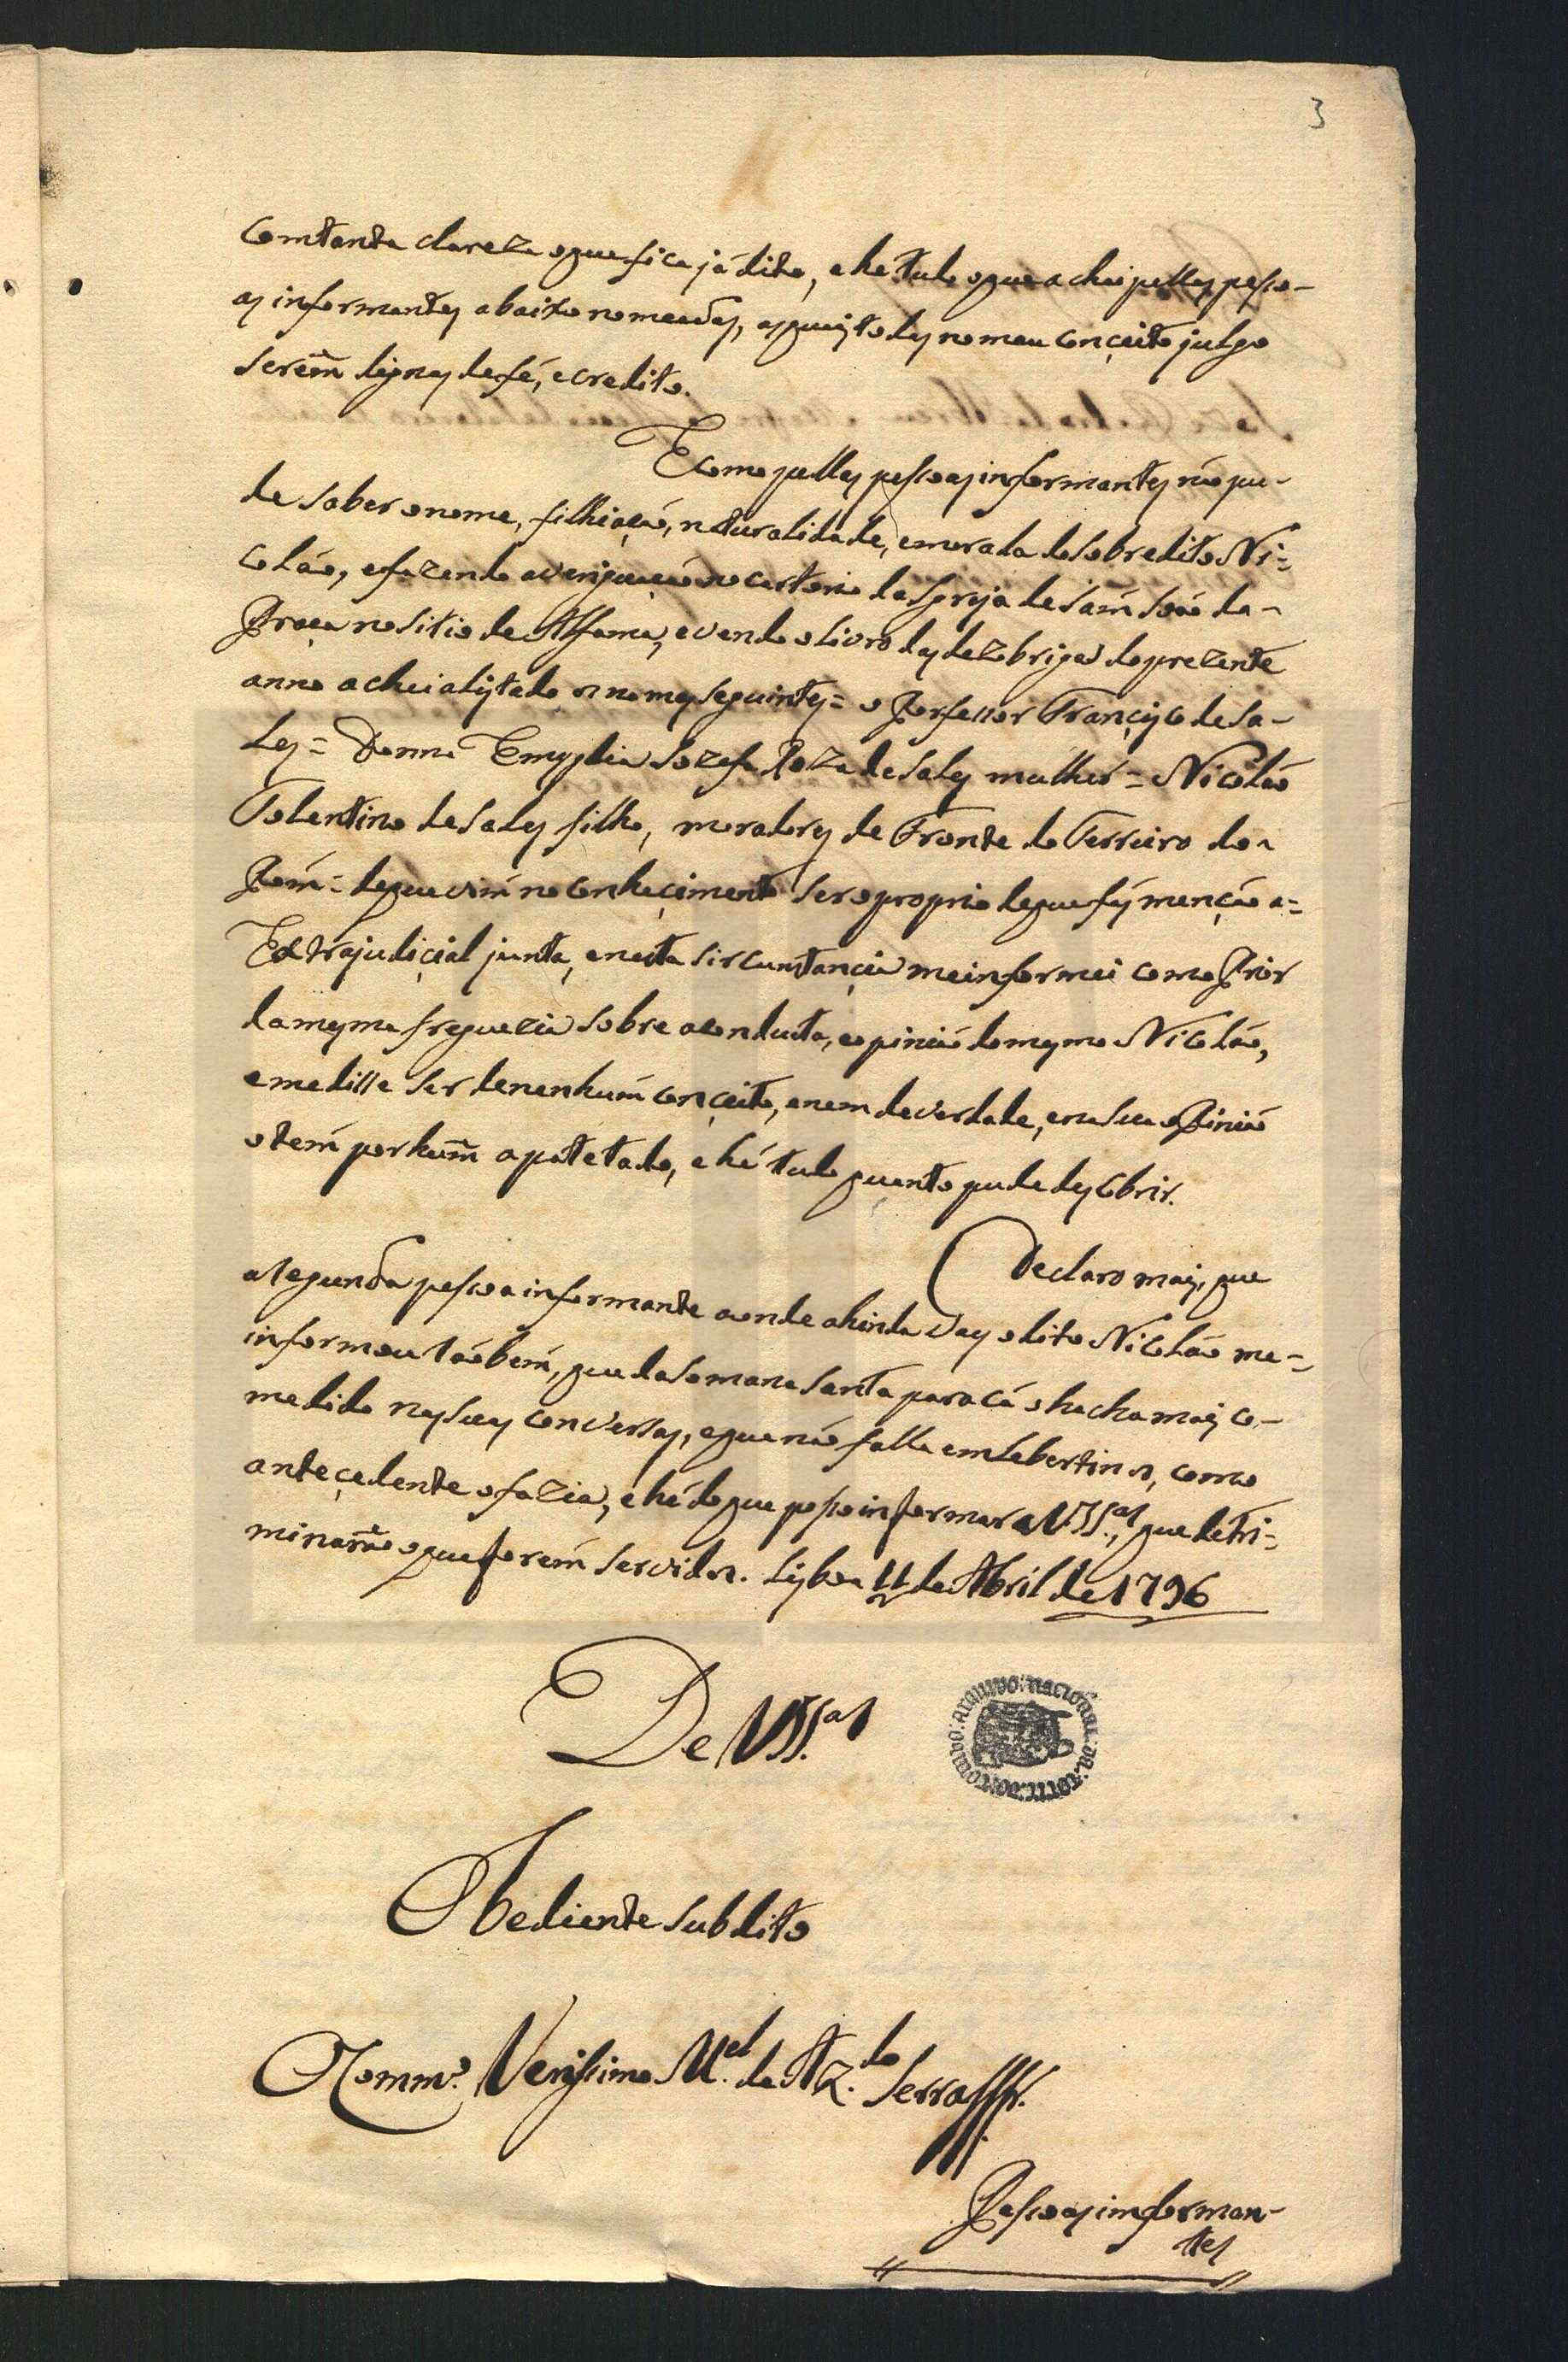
Com tanta clareza o que fica já dito, e he tudo o que achei pellas pesso
as informantes abaixo nomeadas, as quais todas no meu conçeito julgo
serem dignas da fé, e credito.
E como pellas pessoas informantes naõ pu
de saber o nome, filhiaçaõ, naturalidade, e morada do sobredito Ni
CoLáo, e fazendo averiguaçaõ no cartorio da Igreja de Sam̄ Ioaõ da
Praça no sitio de Alfama, e vendo o Livro das dezobrigas do prezente
anno achei alistado os nomes seguintes= o Porfessor Francisco de Sa
Les= Donna Emyglia Iozefa Roza de Sales mulher = Nicoláo
Tolentino de SaLes filho, moradores de Fronte do Terreiro do
Pom̄; de que vim no conhecimento ser o proprio de que fás menção a
Extrajudiçial junta, e nesta sircuntançia me informei com o Prior
da mesma freguezia sobre a conducta, e opiniaõ do mesmo Nicoláo,
e me disse ser de nenhum̄ conçeito, e nem de verdade, e na sua oPiniaõ
o tem̄ por hum̄ apatetado, e hé tudo quanto pude descobrir.
Declaro mais, que
a segunda pessoa informante aonde ahinda vey o dito Nicoláo me
informou taõbem̄, que da somana santa para cá s hacha mais co
medido nas suas conversas, e que naõ falla em lebertinos, como
anteçedente o fazia, e hé do que posso informar a VSS.as, que detri
minaraõ o que forem̄ servidos. Lisboa 11 de Abril de 1796
De VVSS.as
Obediente subdito
O Comm.o Verisimo M.el de Az.do Serra
Pessoas imforman
tes
